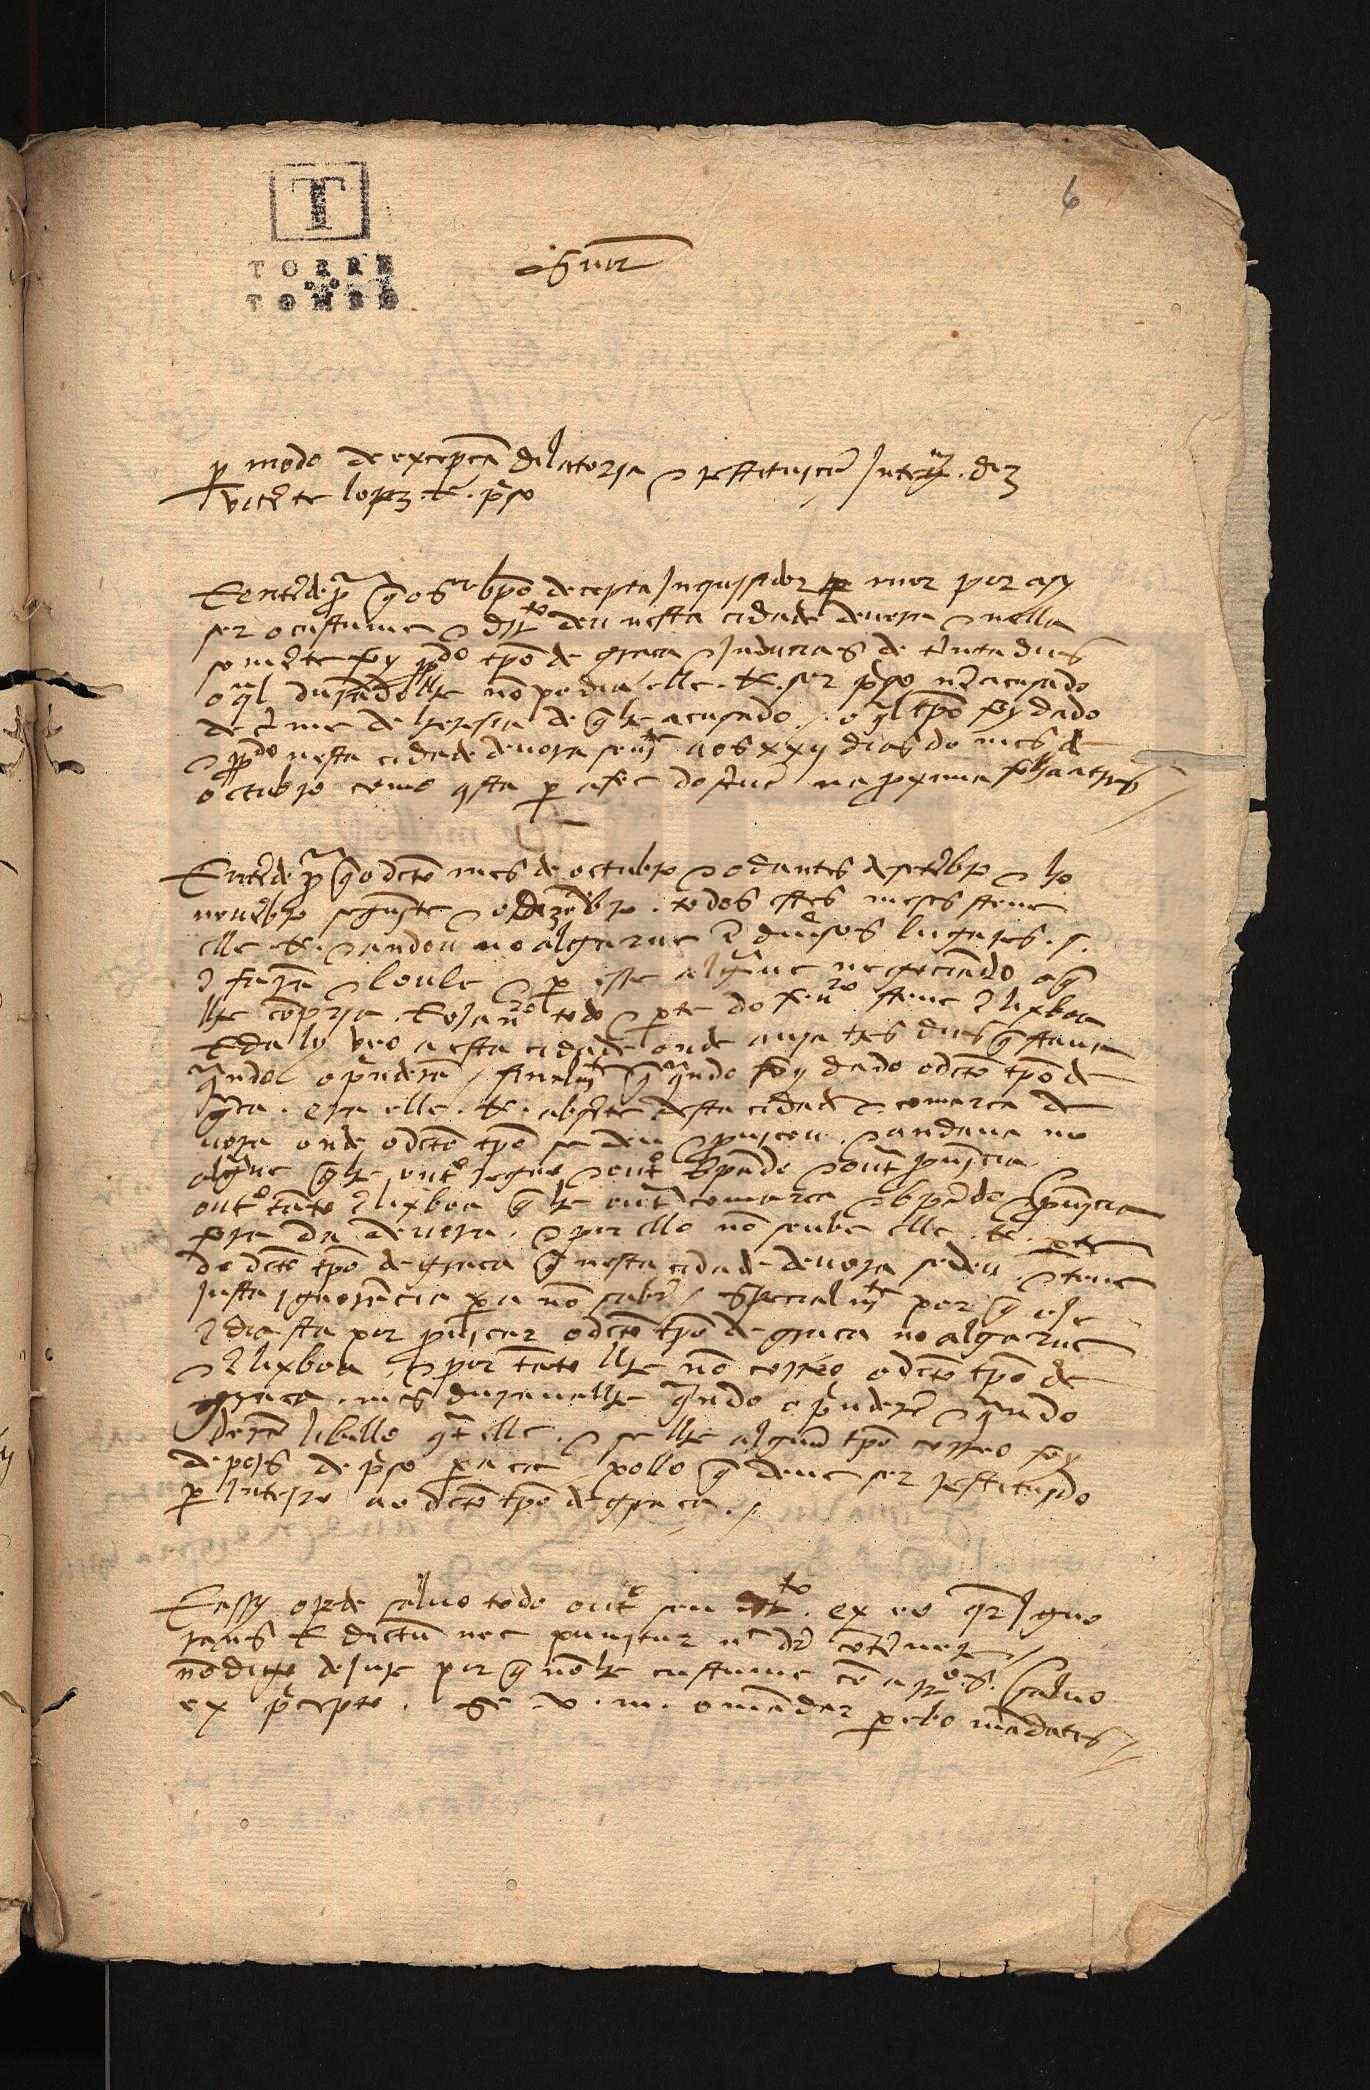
Snōr
ꝑ modo de excepçā dilatorja e restitujçā Jntegm diz
vicēte lopez R. p̄so
E entēde ꝓ̄ q̄ o sor bp̄o de cepta Jnqujsidor mor por asy
ser o custume e dirto deu nesta cidade deuora e nella
somēte foy ꝓpdo tp̄o de graça e Jnducias de tinta dias
o q̄l durādo lhe n̄o podia elle R ser p̄so nē acusado
de cime de heresia de q̄ he acusado / o q̄l tpō foy dado
e ꝓpdo nesta cidade deuora somte aos xxij dias do mes de
octubro como ꝯsta ꝑ a fee do sciuā na ꝓxima folha atras
Entēde ꝓ̄ q̄ o dc̄to mes de octubro e o dantes de setēbro e ho
nouēbro seguj̄te e o dezēbro. todos estes meses steue
elle .R. e andou no algarue ē diūsos lugares .s.
ē far̄a e loule e ꝑ este alḡue negociādo o q̄
lhe c̄oprja. E o Janro todo e ꝑte do feuro steue ē lixboa
E daly veo a esta cidade onde auja tres dias q̄ estaua
q̄ndo o p̄nderā / finalmte q̄ q̄ndo foy dado o dc̄to tp̄o de
ḡça. era elle R. absēte desta cidade e comarca de
uora onde o dc̄to tp̄o se deu e ꝓujcou e andaua no
alḡue q̄ he outo regno e outo bpādo e out̄ ꝓuj̄cia e
outo tāto ē lixboa q̄ he out̄ comarca e bpādo e ꝓuj̄cia
fora da deuora. e por ello n̄o soube elle R. ꝑte
do dc̄to tpō de graça q̄ nesta cidade deuora se deu e teue
Justa jgnorācia ꝑa nō sabr̄ / especialmte porq̄ oJe
ē dia sta por ꝓujcar o dc̄to tp̄o de graça no algarue
e ē lixboa. e portāto lhe n̄o correo o dc̄to tp̄o de
graça. mas duraualhe q̄ndo o p̄nderō e q̄ndo
derā libello ꝯt̄ elle e se lhe alguū tp̄o correo foy
depojs de p̄so ꝑa ca pollo q̄ deue ser restitujdo
ꝑ Jntejro ao dc̄to tp̄o de graça
E assy o pede saluo todo outo seu dirto ex eo q̄r Jgno
rans e dictū nec punjtur nc dr̄ c̄otēnere.
n̄o digo de Jure porq̄ nō he custume c̄o arros. saluo
ex p̄cepto se v. m. o mādar ꝑ elo mādates
